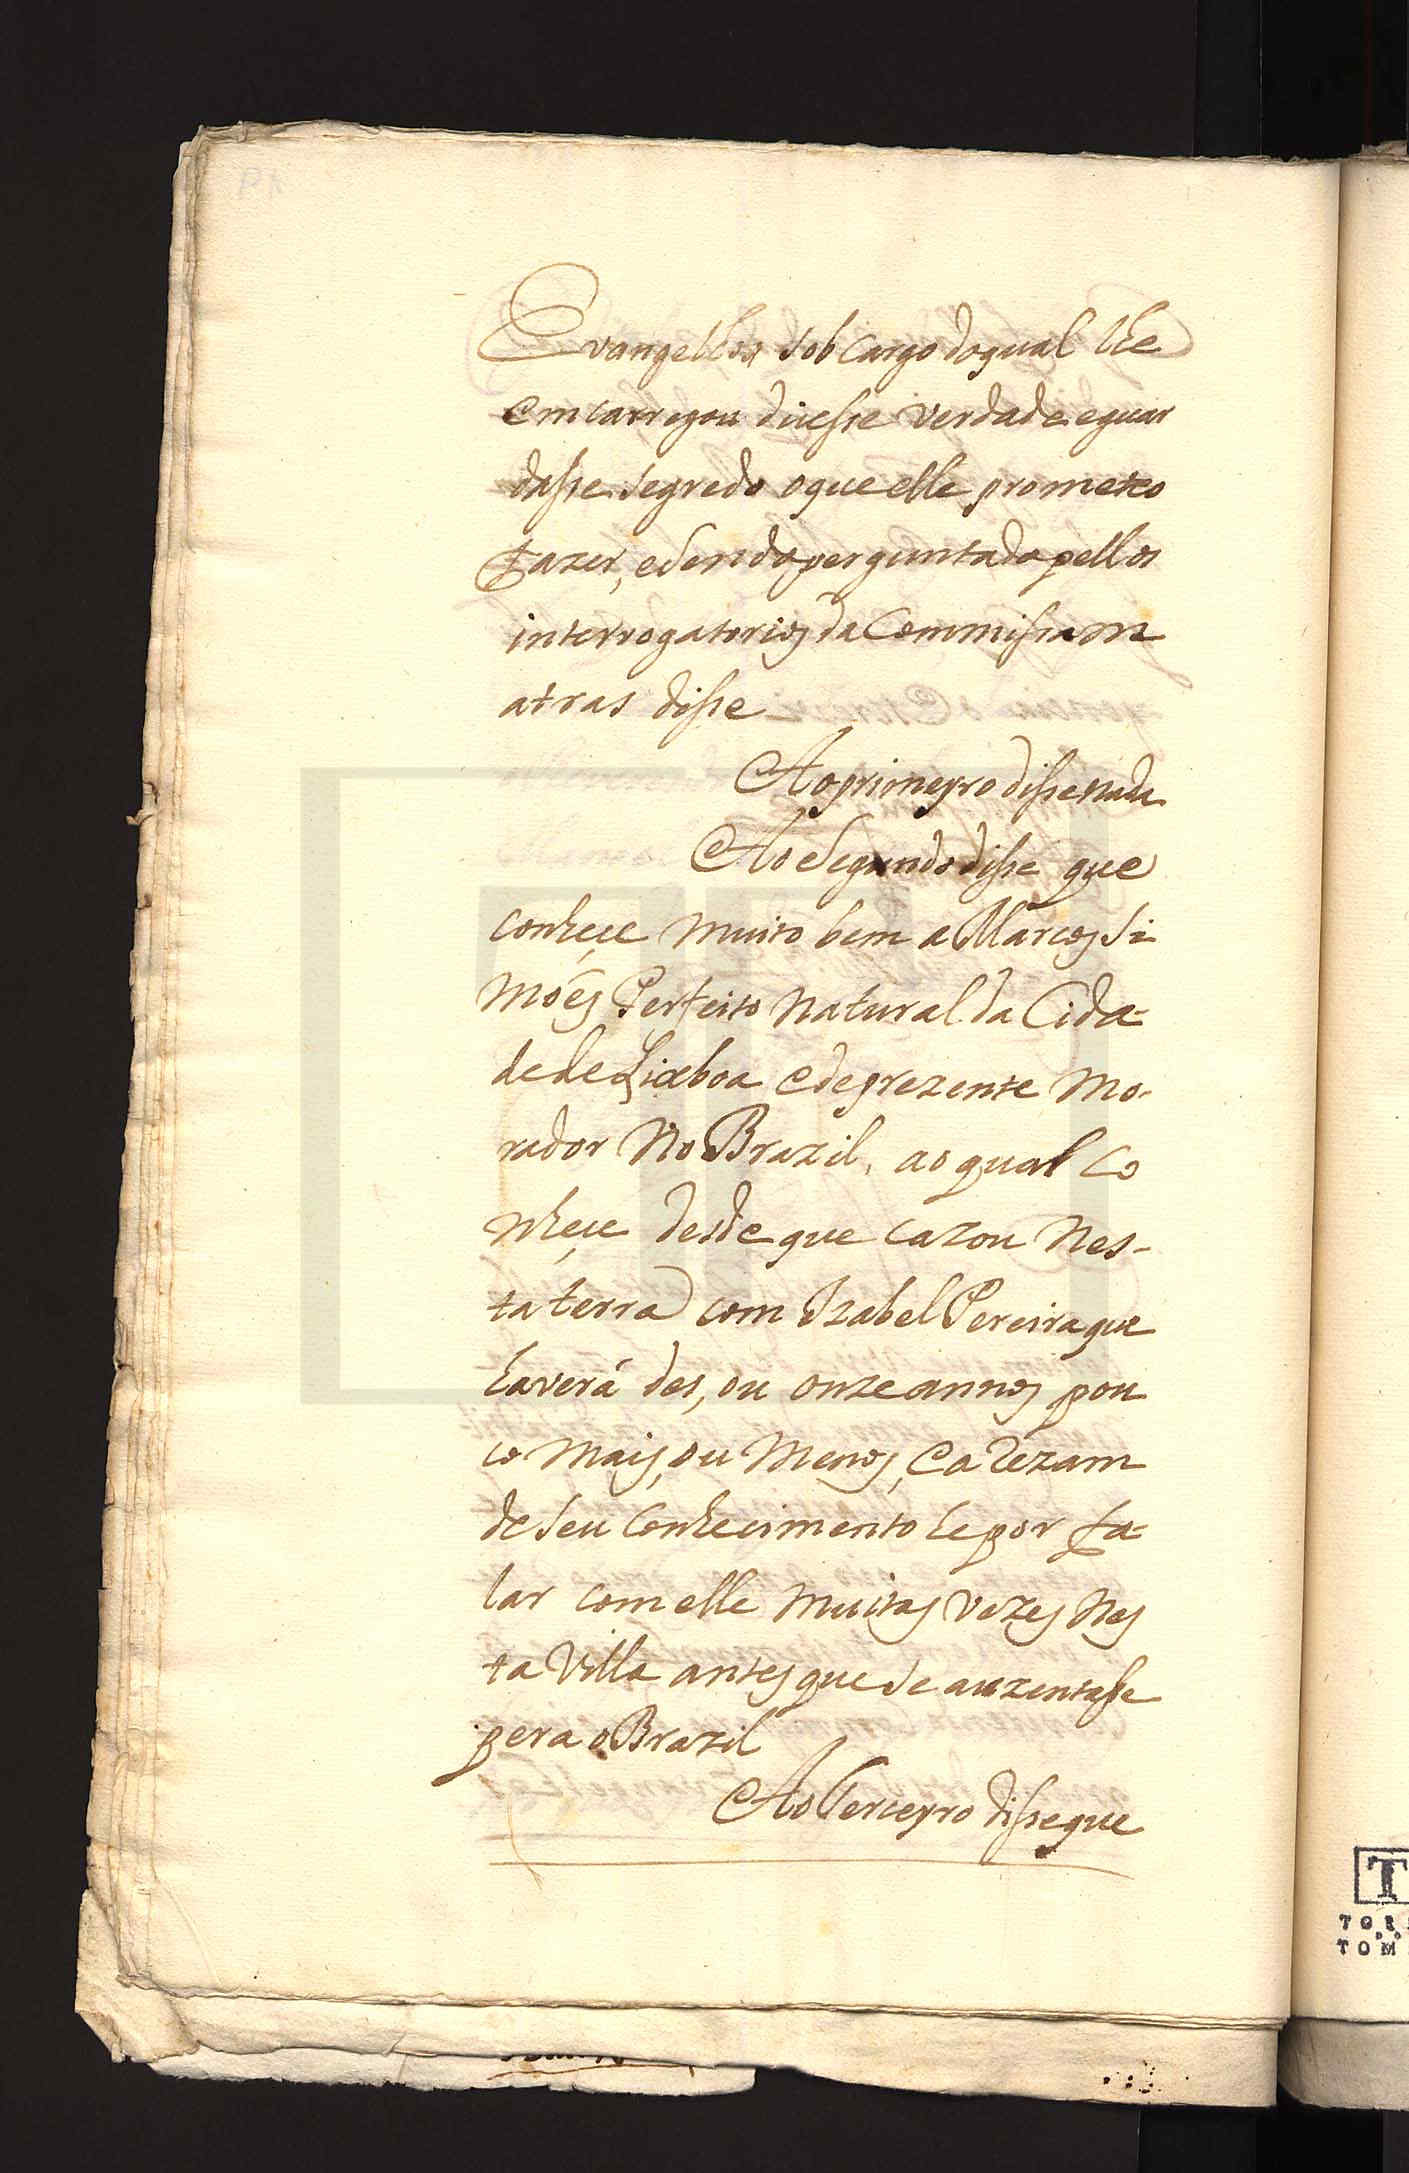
Evangelhos sob cargo do qual lhe
emcarregou dicesse verdade e guar
dasse segredo o que elle prometeo
fazer, e sendo perguntada pellos
interrogatorios da Commissam.
atras disse
Ao primeyro disse nada
Ao Segundo disse que
conhece muito bem a Marcos si
moẽs Perfeito natural da Cida
de de Lixboa e de prezente mo
rador no Brazil, ao qual co
nhece desde que cazou nes
ta terra com Izabel Pereira que
haverá des, ou onze annos pou
co mais, ou menos, e a Rezam
de seu conhecimento he por fa
lar com elle muitas vezes nes
ta Villa antes que se auzentase
pera o Brazil
Ao Terceyro disse que
